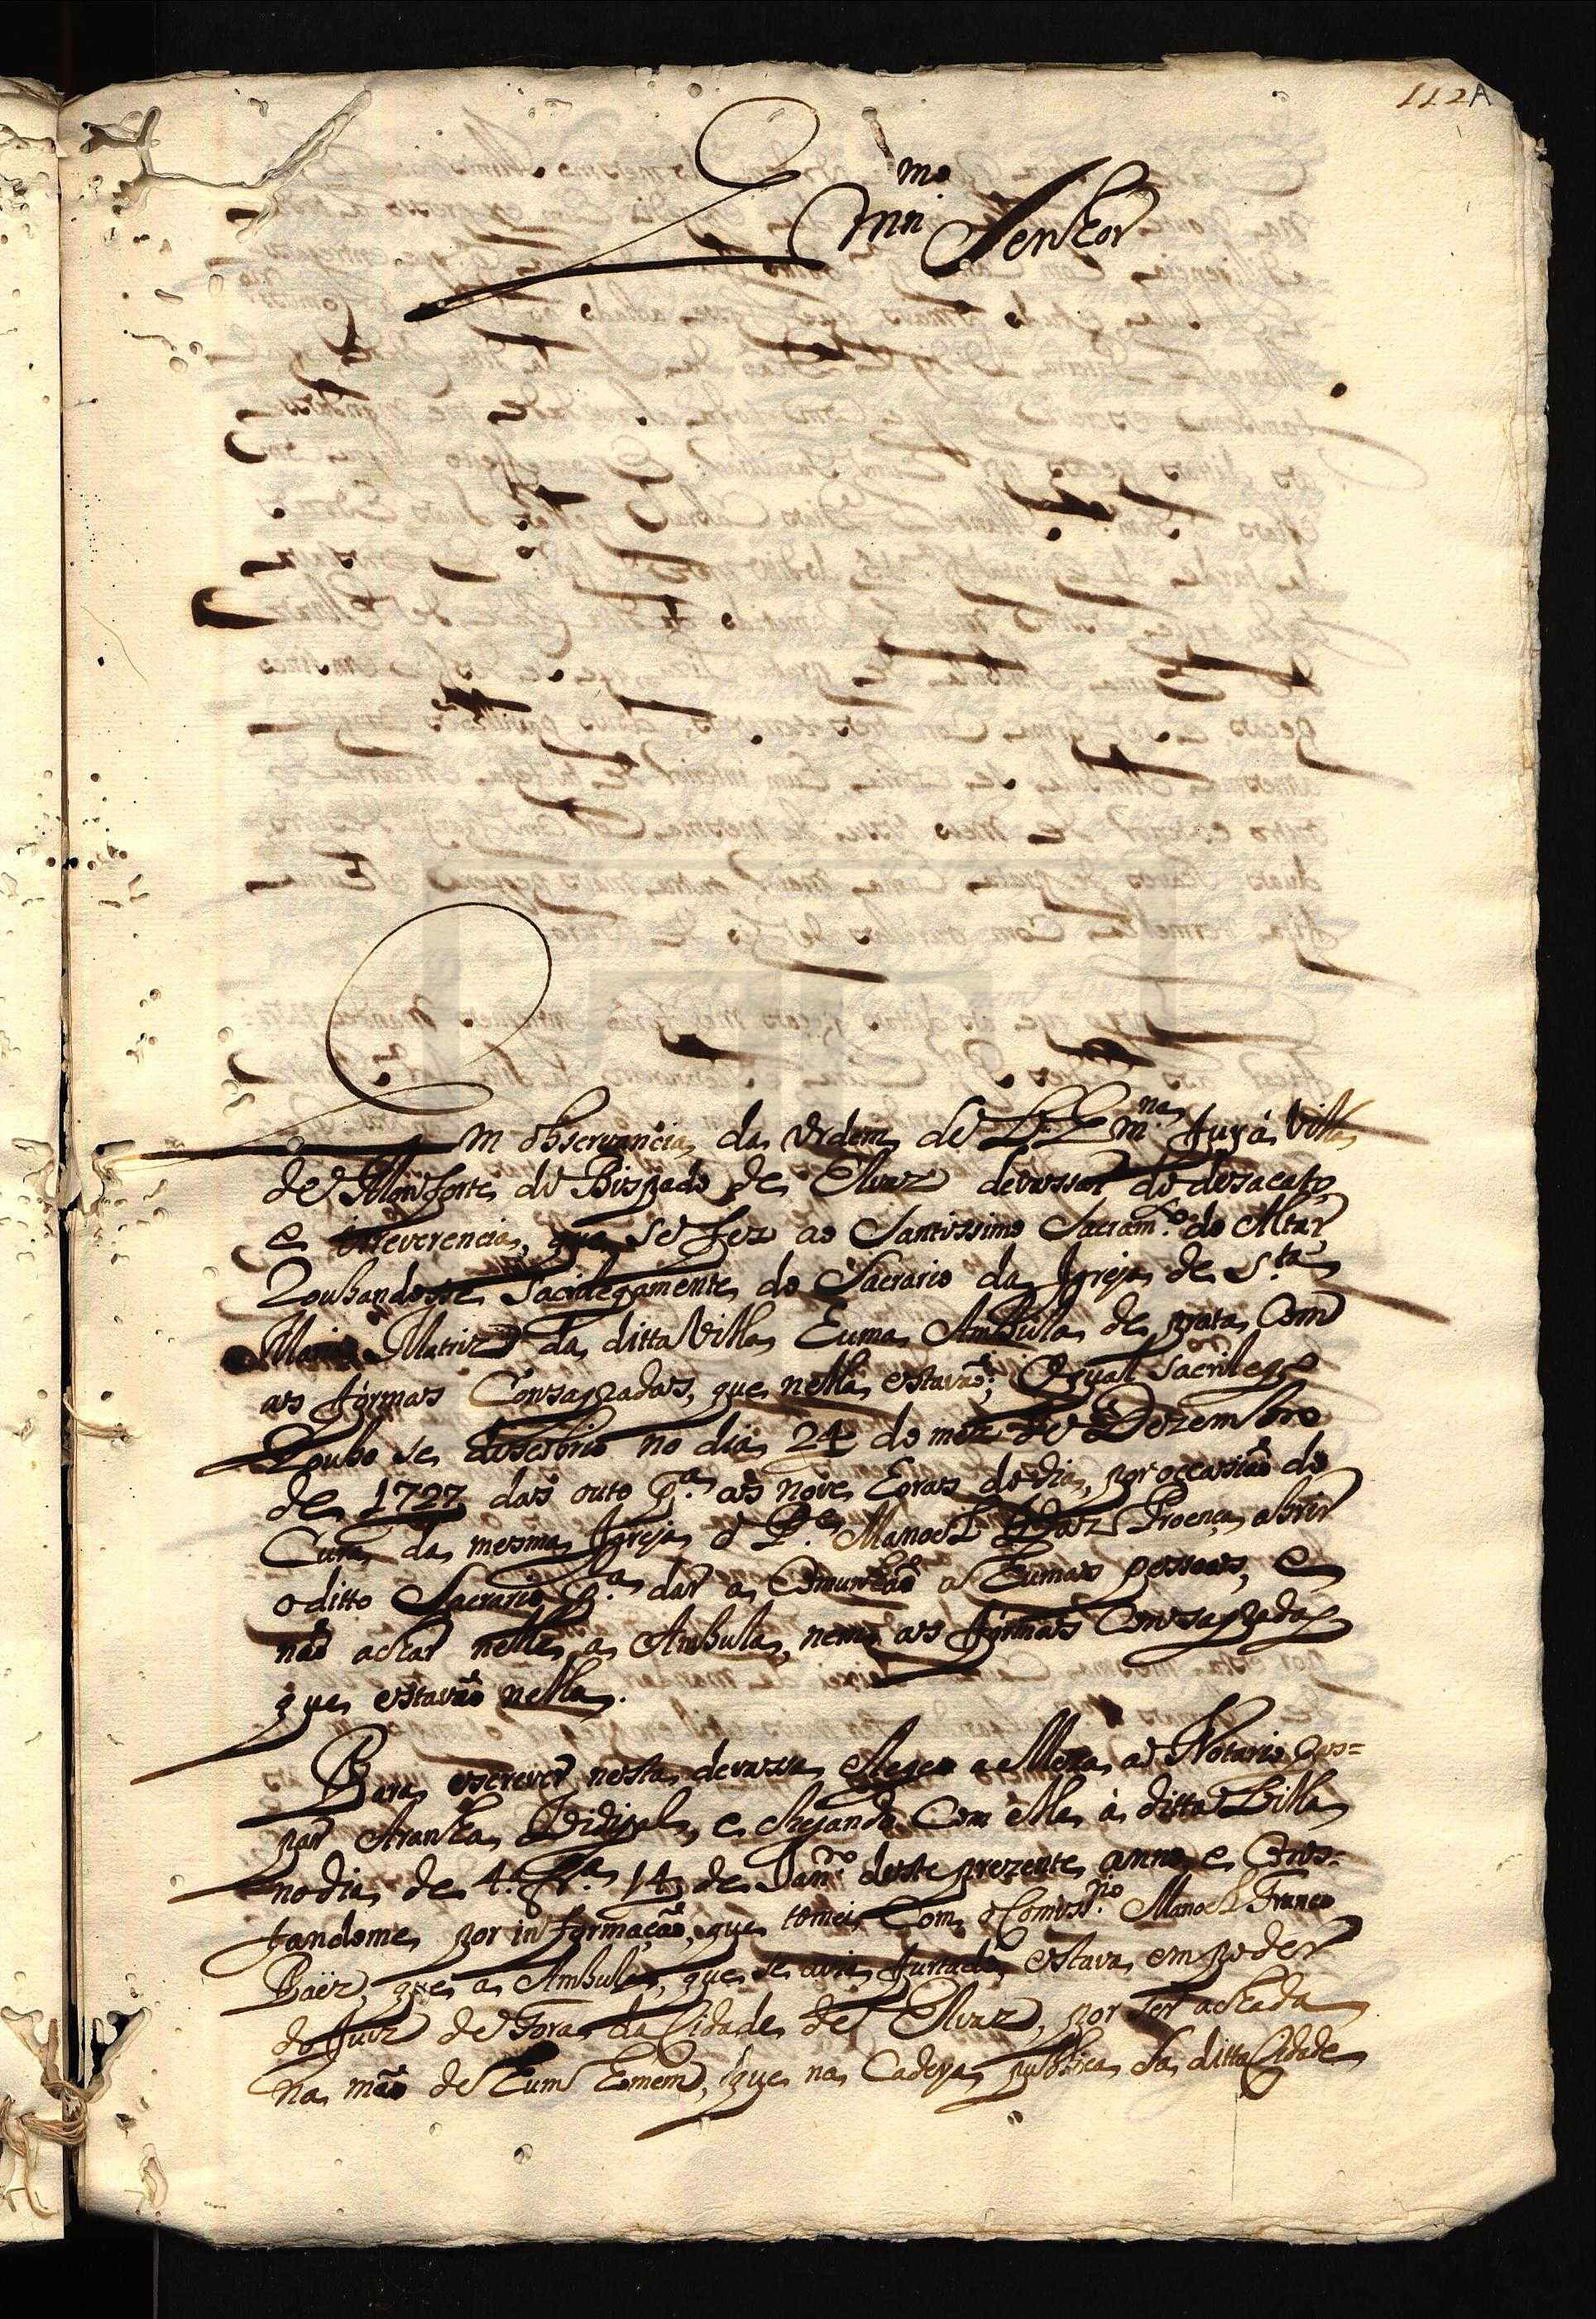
Emnmo.
Senhor
Em obseruancia, da Ordem de V EM.na fuy á Villa
de Monforte do Bispado de Elvaz devassar do desacato
e irreverencia, que se fez ao Santissimo Sacram.to do Altar
Roubandosse Sacrilegamente do Sacrario da Igreja de S.ta
Maria Matriz da ditta Villa huma Ambula de prata Com
as fórmas Consagradas, que nella estavão; O qual sacrilego
Roubo se descobrio no dia 24 do mez de Dezembro
de 1727 das outo p.a as nove horas do dia, por occasião do
Cura da mesma Jgreja o P.e Manoel Vaz Proença abrir
o ditto Sacrario p.a dar a Comunhão a humas pessoas, e
não achar nelle a Ambula, nem as fórmas consagradas
que estavão nella.
Para o escrever nesta devassa elegeo a Meza ao Notario gas
par Aranha Vidigal, e chegando Com ella á ditta Villa
no dia de 4.a fr.a 14 de Ian.ro deste prezente anno e Cons
tandome por informação, que tomei Com o Comiss.ro Manoel Franco
Paez, que a Ambula, que se avia furtado, estava em poder
do Juiz de Fora da Cidade de Elvaz, por ser achada
na mão de hum homem, que na Cadeya publica da ditta Cidade
112
